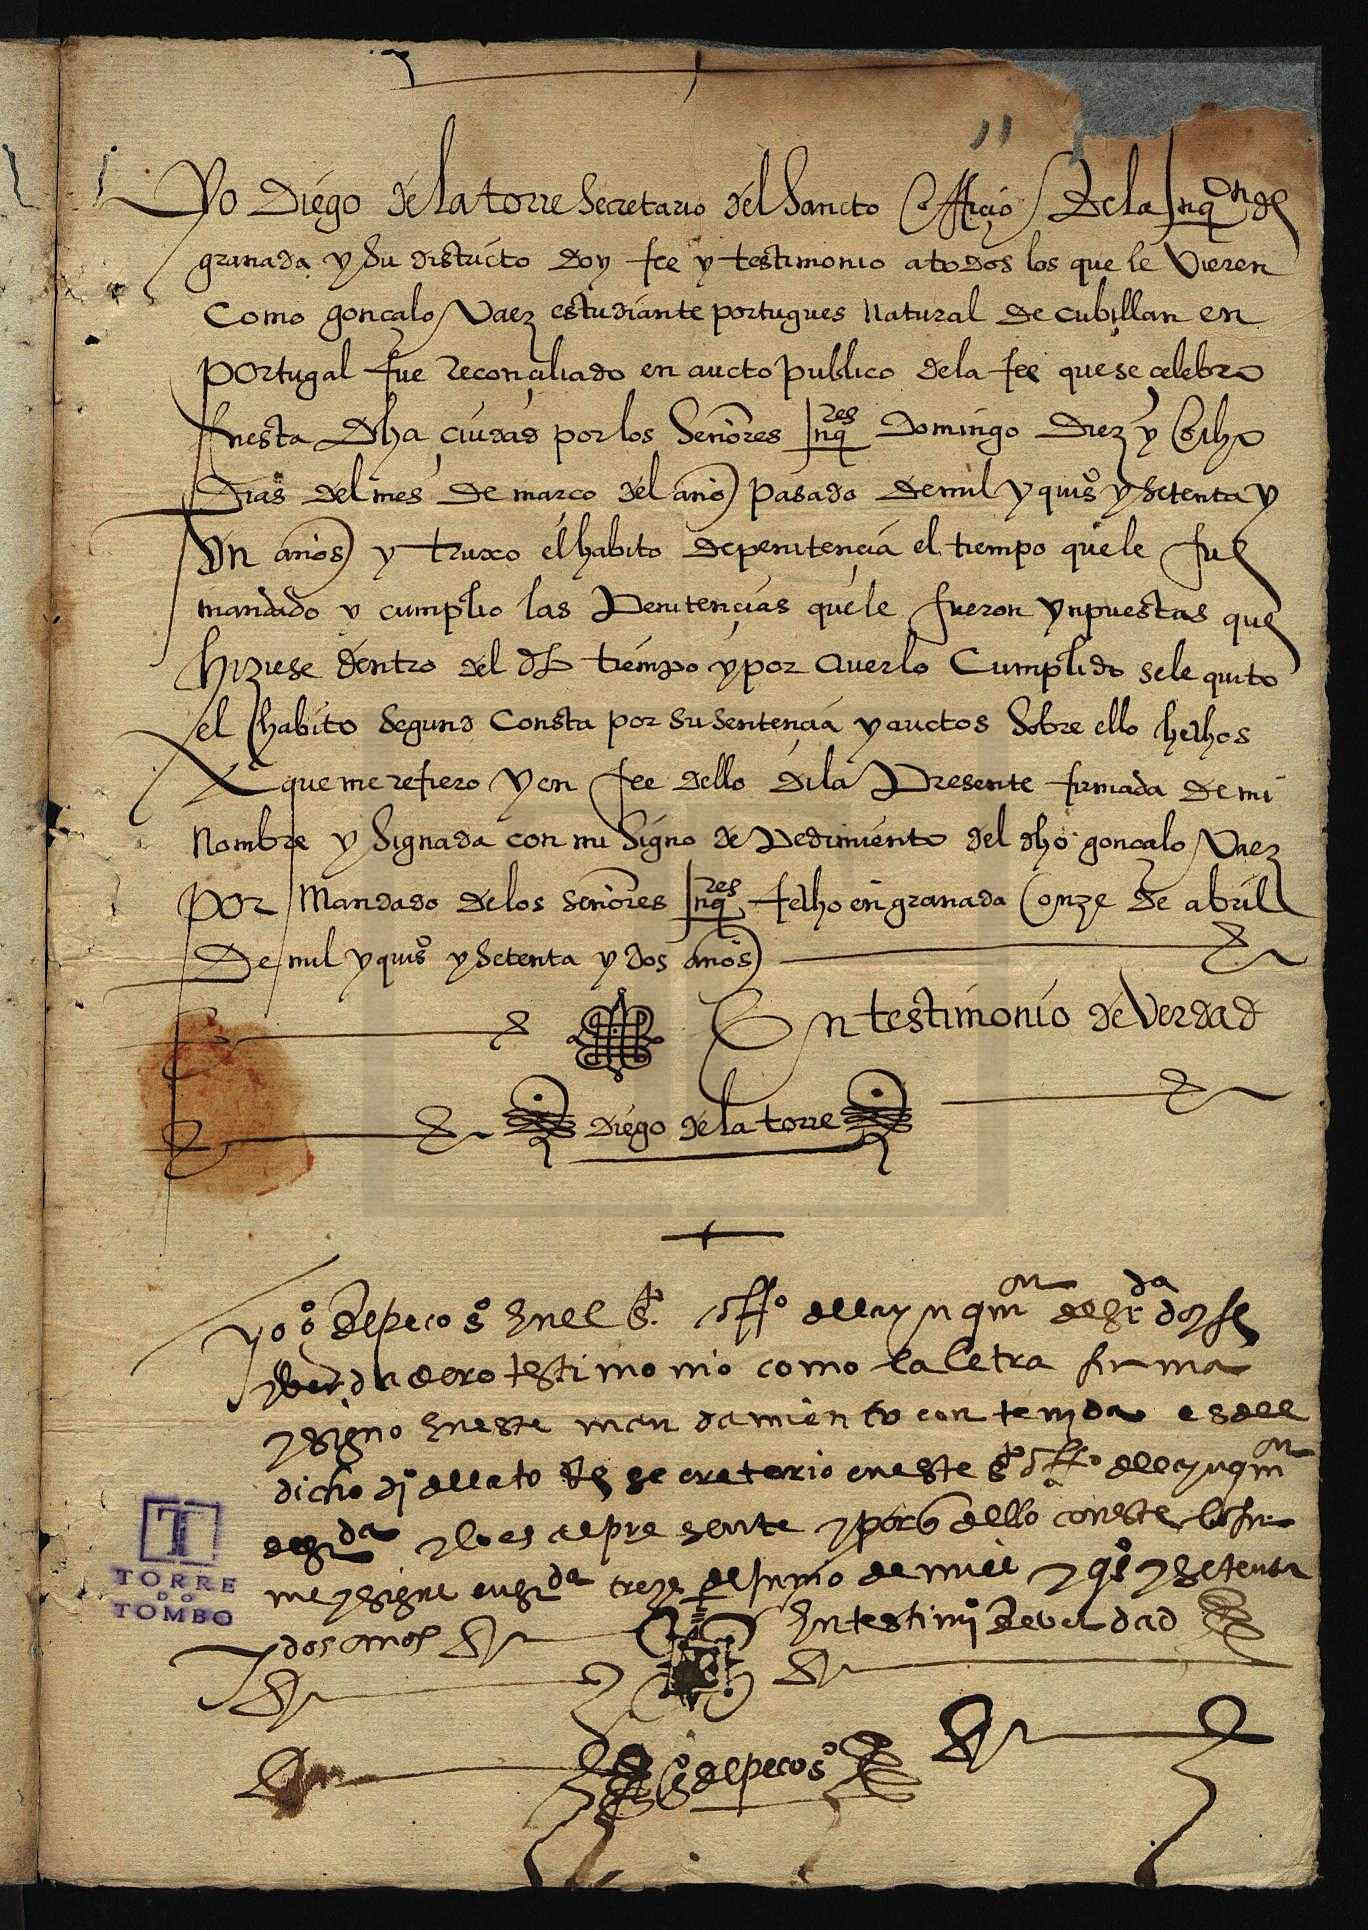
Yo Diego de la torre Secretario del Sancto officio Dela Jnqon de
granada y su districto doy fee y testimonio a todos los que le Vieren
Como gonçalo Vaez estudiante portugues natural de cubillan en
Portugal fue Reconciliado en aucto publico dela fee que se celebro
nesta Dha ciudad por os Sen̄ores Jnqres Domingo Diez y ocho
Dias del mes de março del an̄o pasado de mil y quiso y setenta y
un an̄os e truxo el habito de penitencia el tiempo que le fue
mandado y cumplio las penitencias que le fueron ynpuestas que
hiziese dentro del dho tiempo y por auerlo Cumplido se le quito
el habito segund consta por su sentencia y auctos Sobre ello hechos
A que me refiero Y en fee dello di la presente firmada de mi
nombre y Signada con mi Signo de pedimiento del dho gonçalo Vaez
Por mandado de los senōres Jnqres fecho en granada onze de abril
De mil y quiso y setenta y dos an̄os
En testimonio de Verdad
Diego de la torre
Yo go de peco so En el s.to offo dela ynquion de grda dos fe
y verdadero testimonio como la letra firma
y signo E neste mandamiento contenjda es del
dicho djo delato & secretario en este sto offo dela jnquion
de grda y lo es de presente y porq̄ dello conste bo fee
me y signe en grda treze de Junio de mill y qos y setenta
y dos anos
En testimjo de verdad
go de peco so
